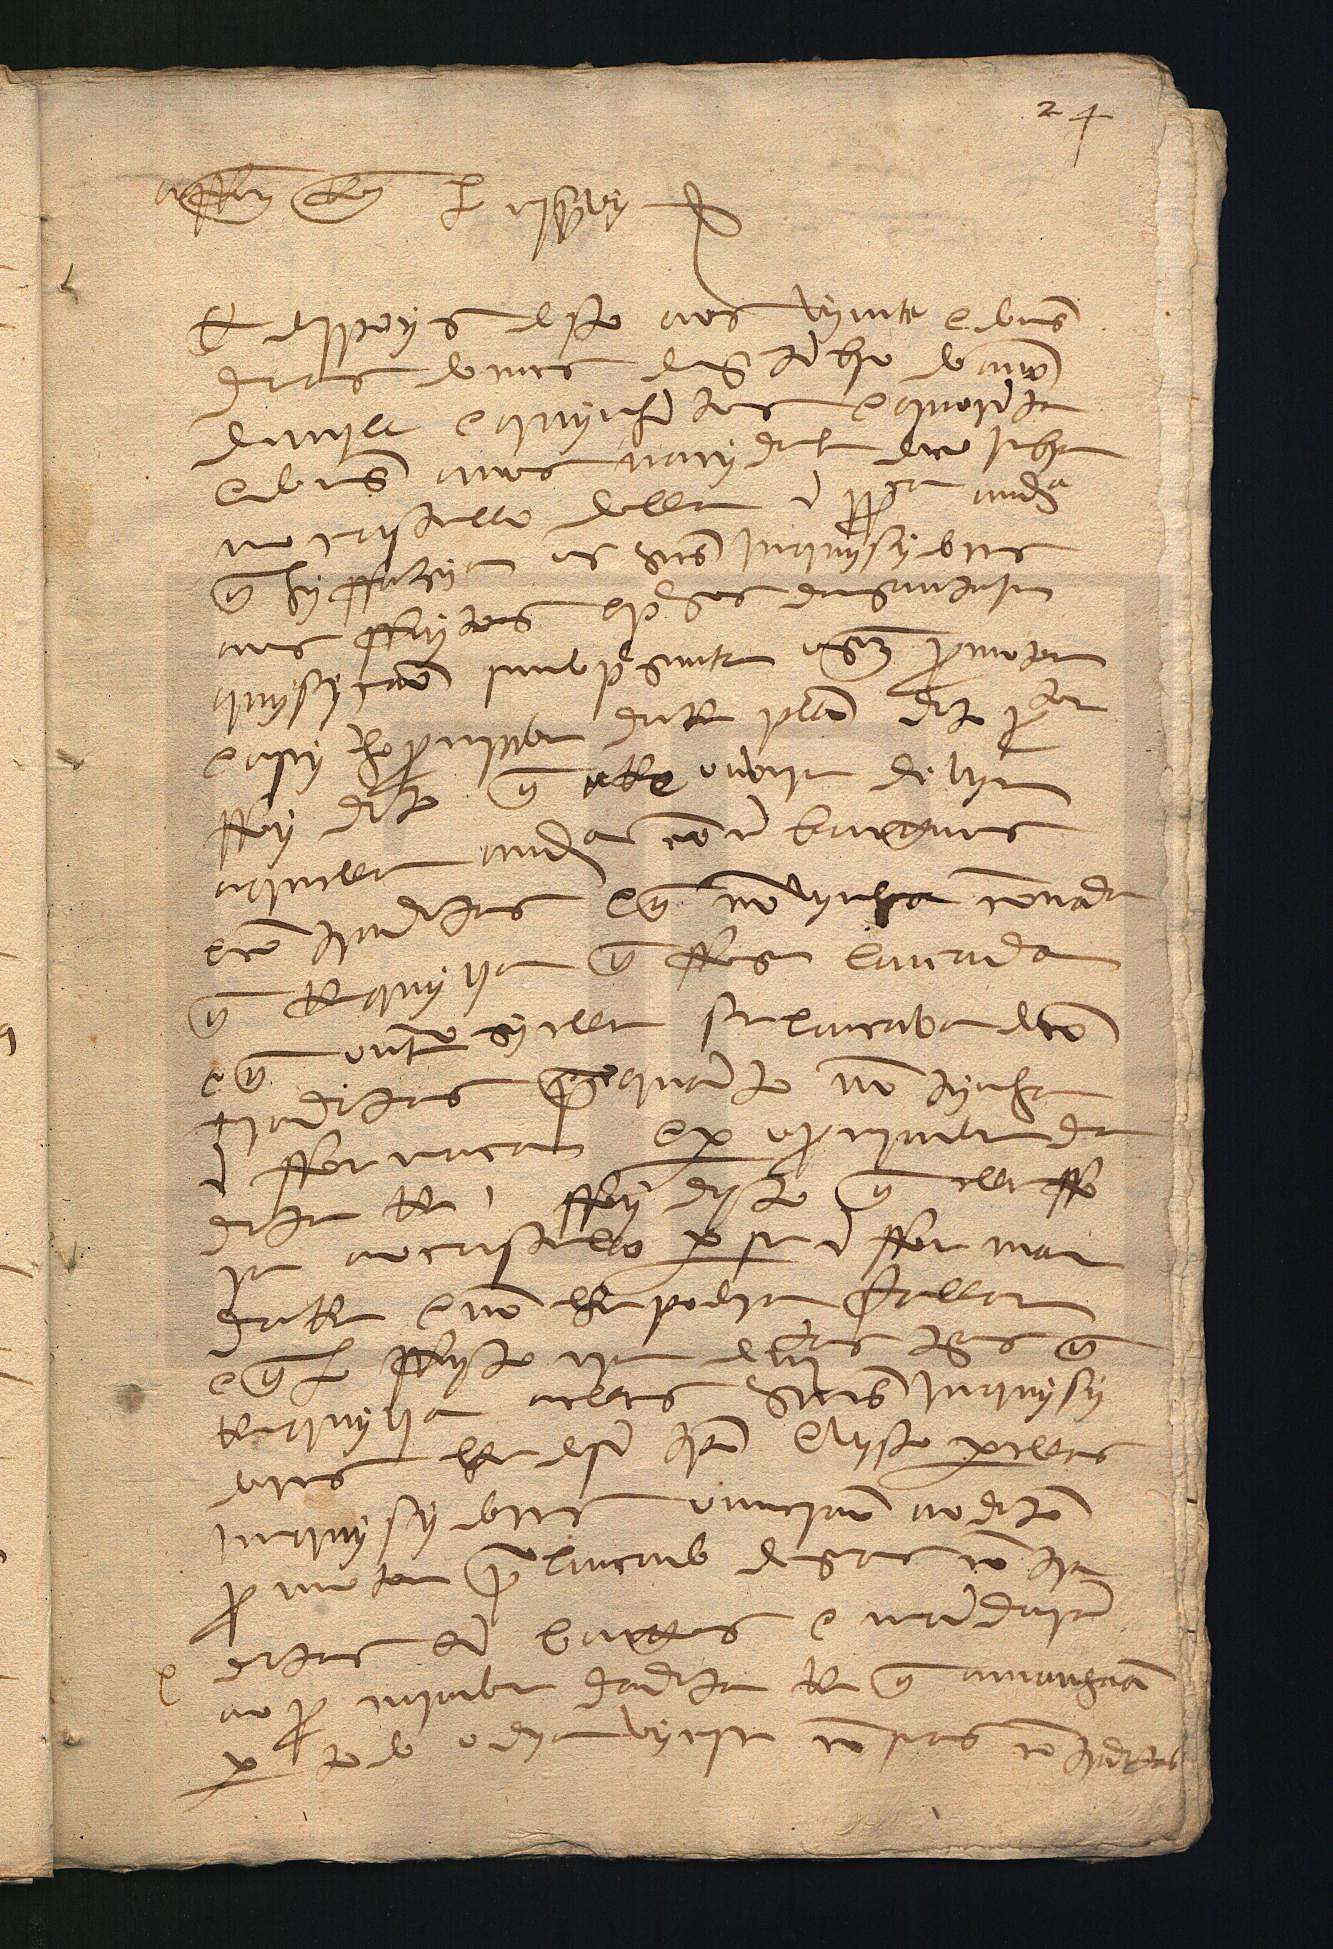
24
af̄fom Roz ho esp̄vy
E despoys desto aos vymte e dous
dias do mes de setēbro do āno
de mjll e quynhētos e quorēta
e dous anos na cydade de coJnbra
no castello della ē ꝓpca audja
q̄ hy ffazyam os snr̄s Jnquysydores
aos ffeytos e p̄sos da santa Jm
quysycão sendo p̄semte o s̄or ꝓmotor
e asy ho ꝑcurador da Re pl̄lo dito ꝓtor
ffoy dito q̄ a Re ouvera de vyr
aquella audja c̄o ēbarguos
e c̄otraditas e q̄ n̄o vynha c̄o nada
q̄ Requyrja q̄ ffose lançada
e q̄ outrosy elle se lançava de c̄o
traditas p̄oquāto n̄o tynha
ēfformaçam e ꝑ o ꝓcurador da
dita Re ffoy dyto q̄ elle ffo
ra ao castello ꝑ se ēfformar
da Re e nō lhe podera fallar
e q̄ ho ffeyto era de mtas tas q̄
Requyrja a elles Snr̄s Jnquysy
dores lhe desē tp̄o e vysto ꝑ elles
Jmquysydores ouuerão ao dito
ꝓmotor p̄o lançado de suas c̄otra
ditas e ēbargos e mādarā
ao ꝓcurador da dita Re q̄ amanhaā
ꝑ todo o dya vyese c̄o suas c̄otraditas
